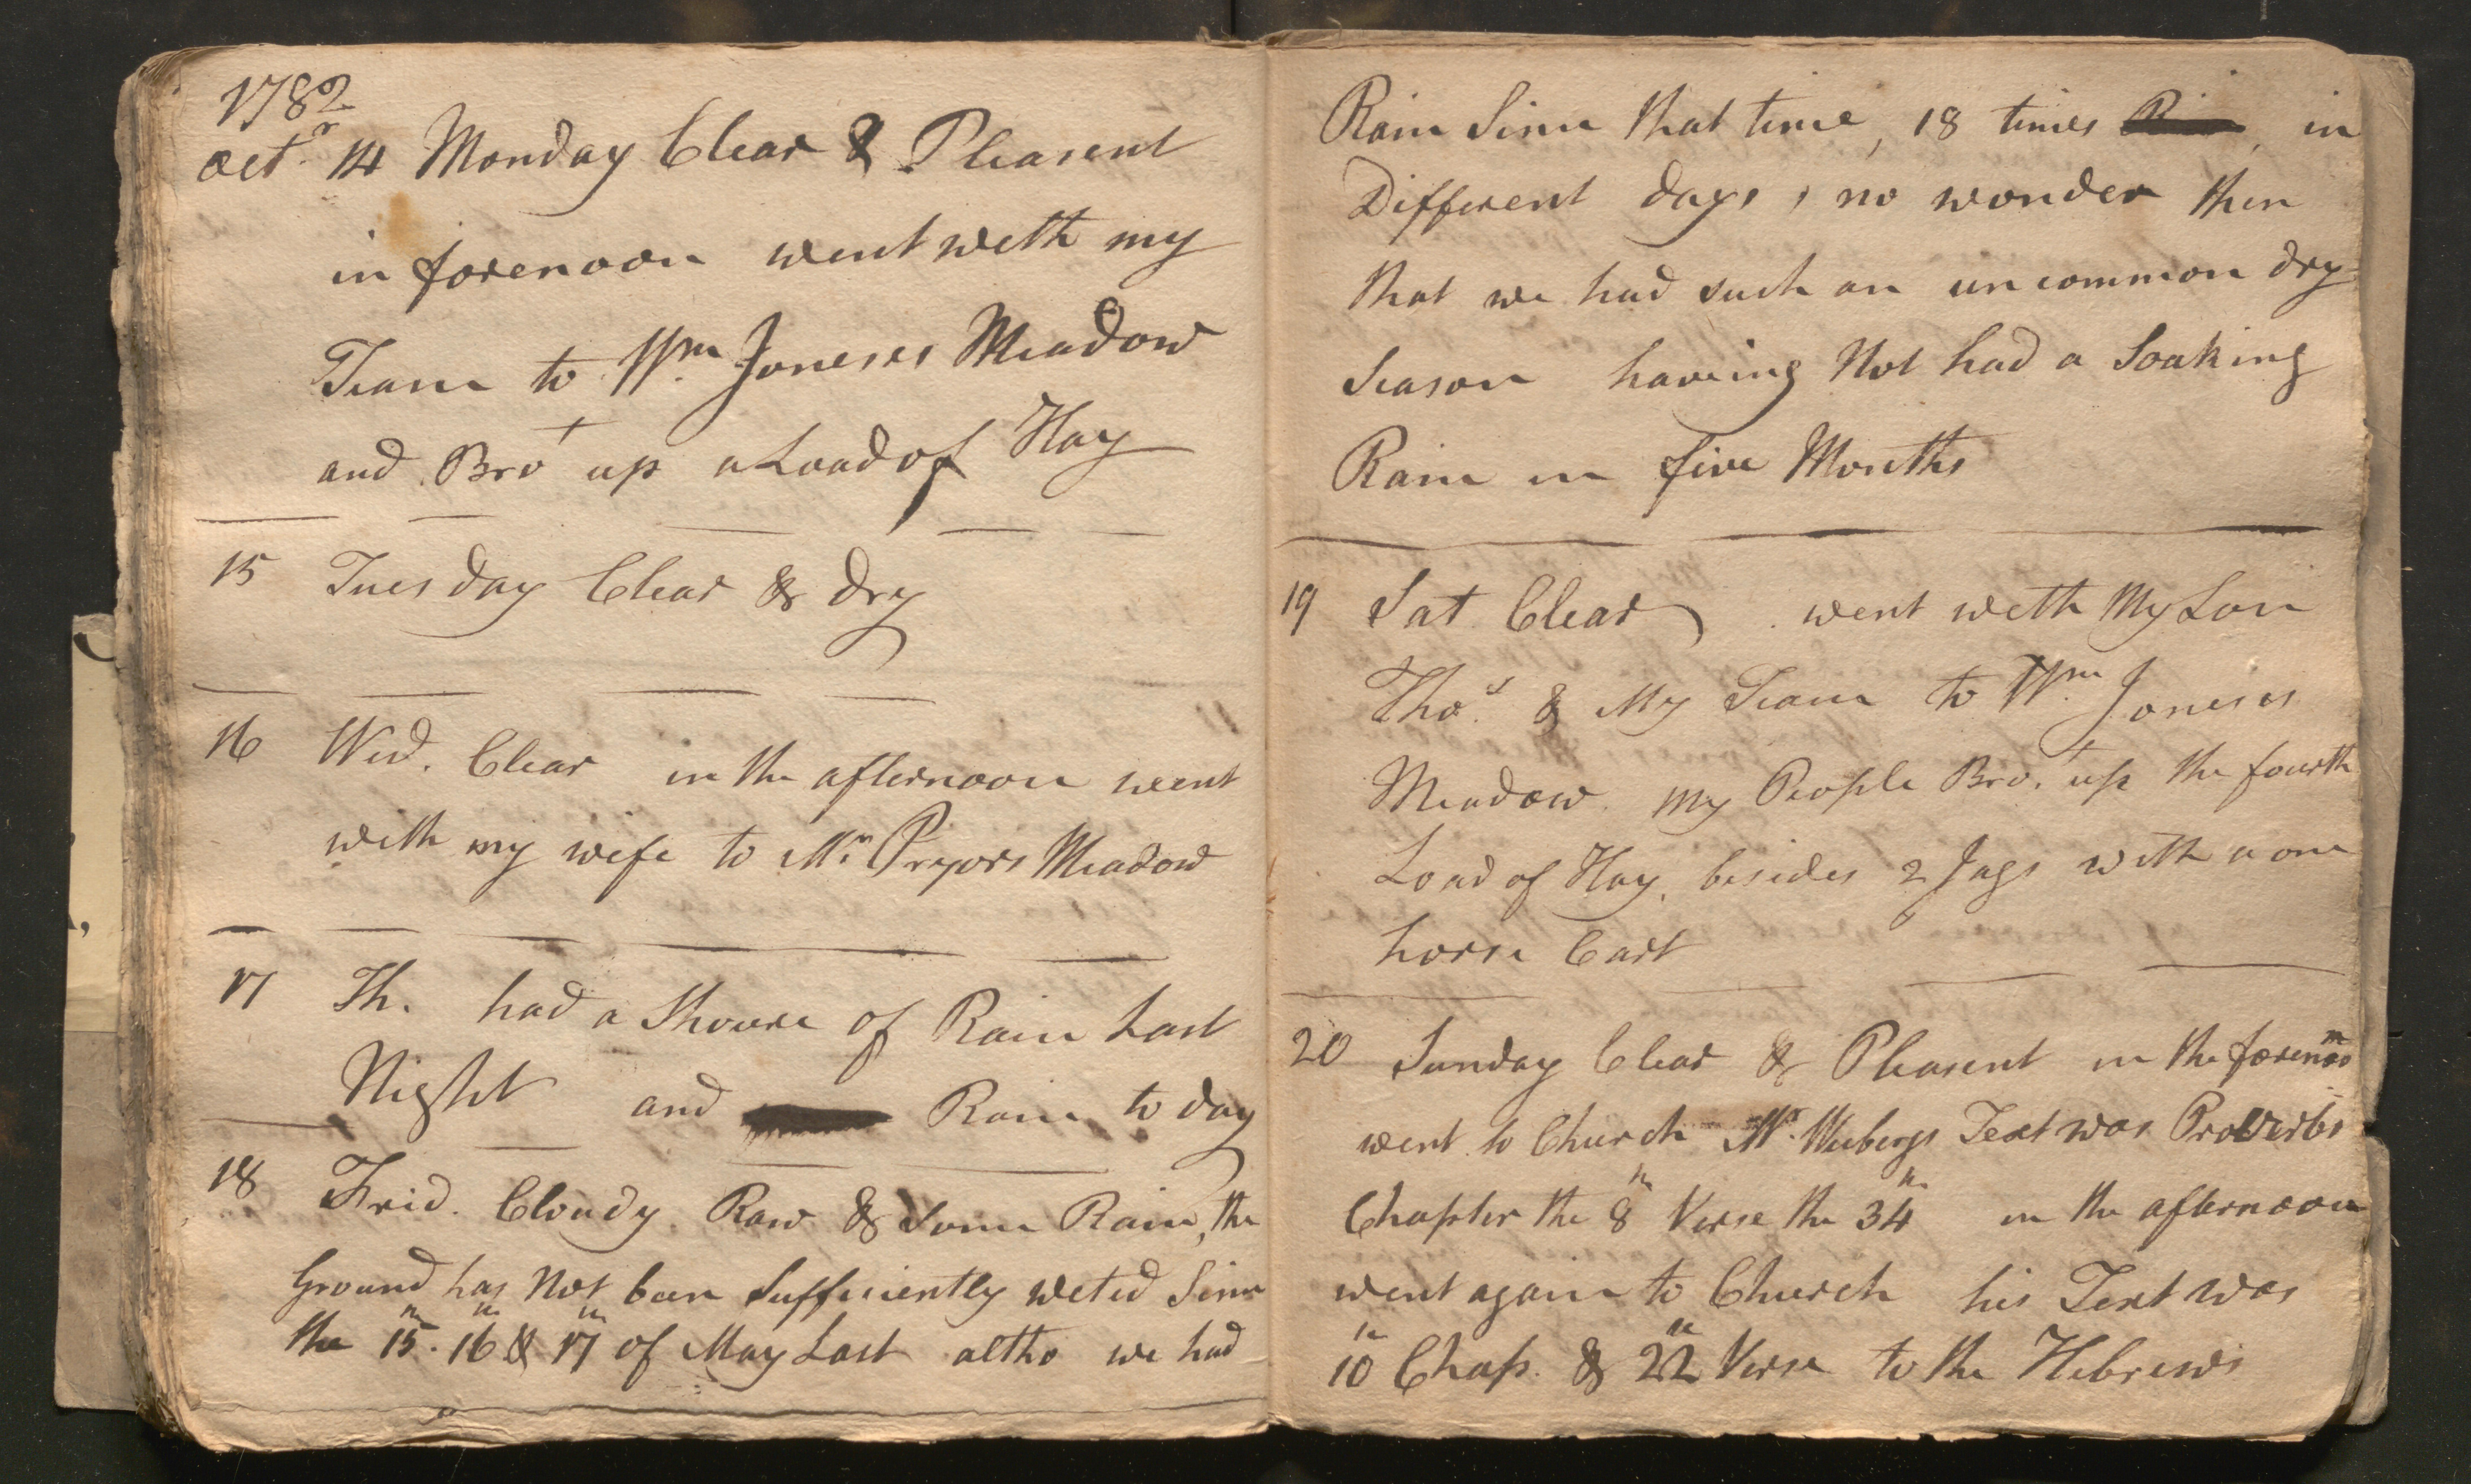1782
oct^r. 14 Monday Clear & Pleasent
in forenoon went with my
Team to W^m. Joneses Meadow
and Bro^t up a Load of Hay
15 Tuesday Clear & dry
16 Wed. Clear in the afternoon went
with my wife to M^r. Pryors Meadow
17 Th. had a Shoure of Rain Last
Wight and [_____] Rain to day
18 Frid. Cloudy. Raw & some Rain the
Ground has Not been Sufficiently weted Since
the 15^th. 16^th & 17^th of May Last altho we had
Rain since that time 18 times [Rain] in
Different days, no wonder then
that we had such an un common dry
Season haveing Not had a Soaking
Rain in five Months
19 Sat Clear went with My son
Tho^s. & My Team to W^m. Joneses
Meadow. My People Bro^t. up the fourth
Load of Hay besides 2 Jags with a one
horse Cart
20 Sunday Clear & Pleasent in the forenoo^n
went to Church M^r. Weibergs Text was Proverbs
Chapter the 8^th Verse the 34^th in the afternoon
went again to Church his Text was
10^th Chap. & 22^th Verse to the Hebrews